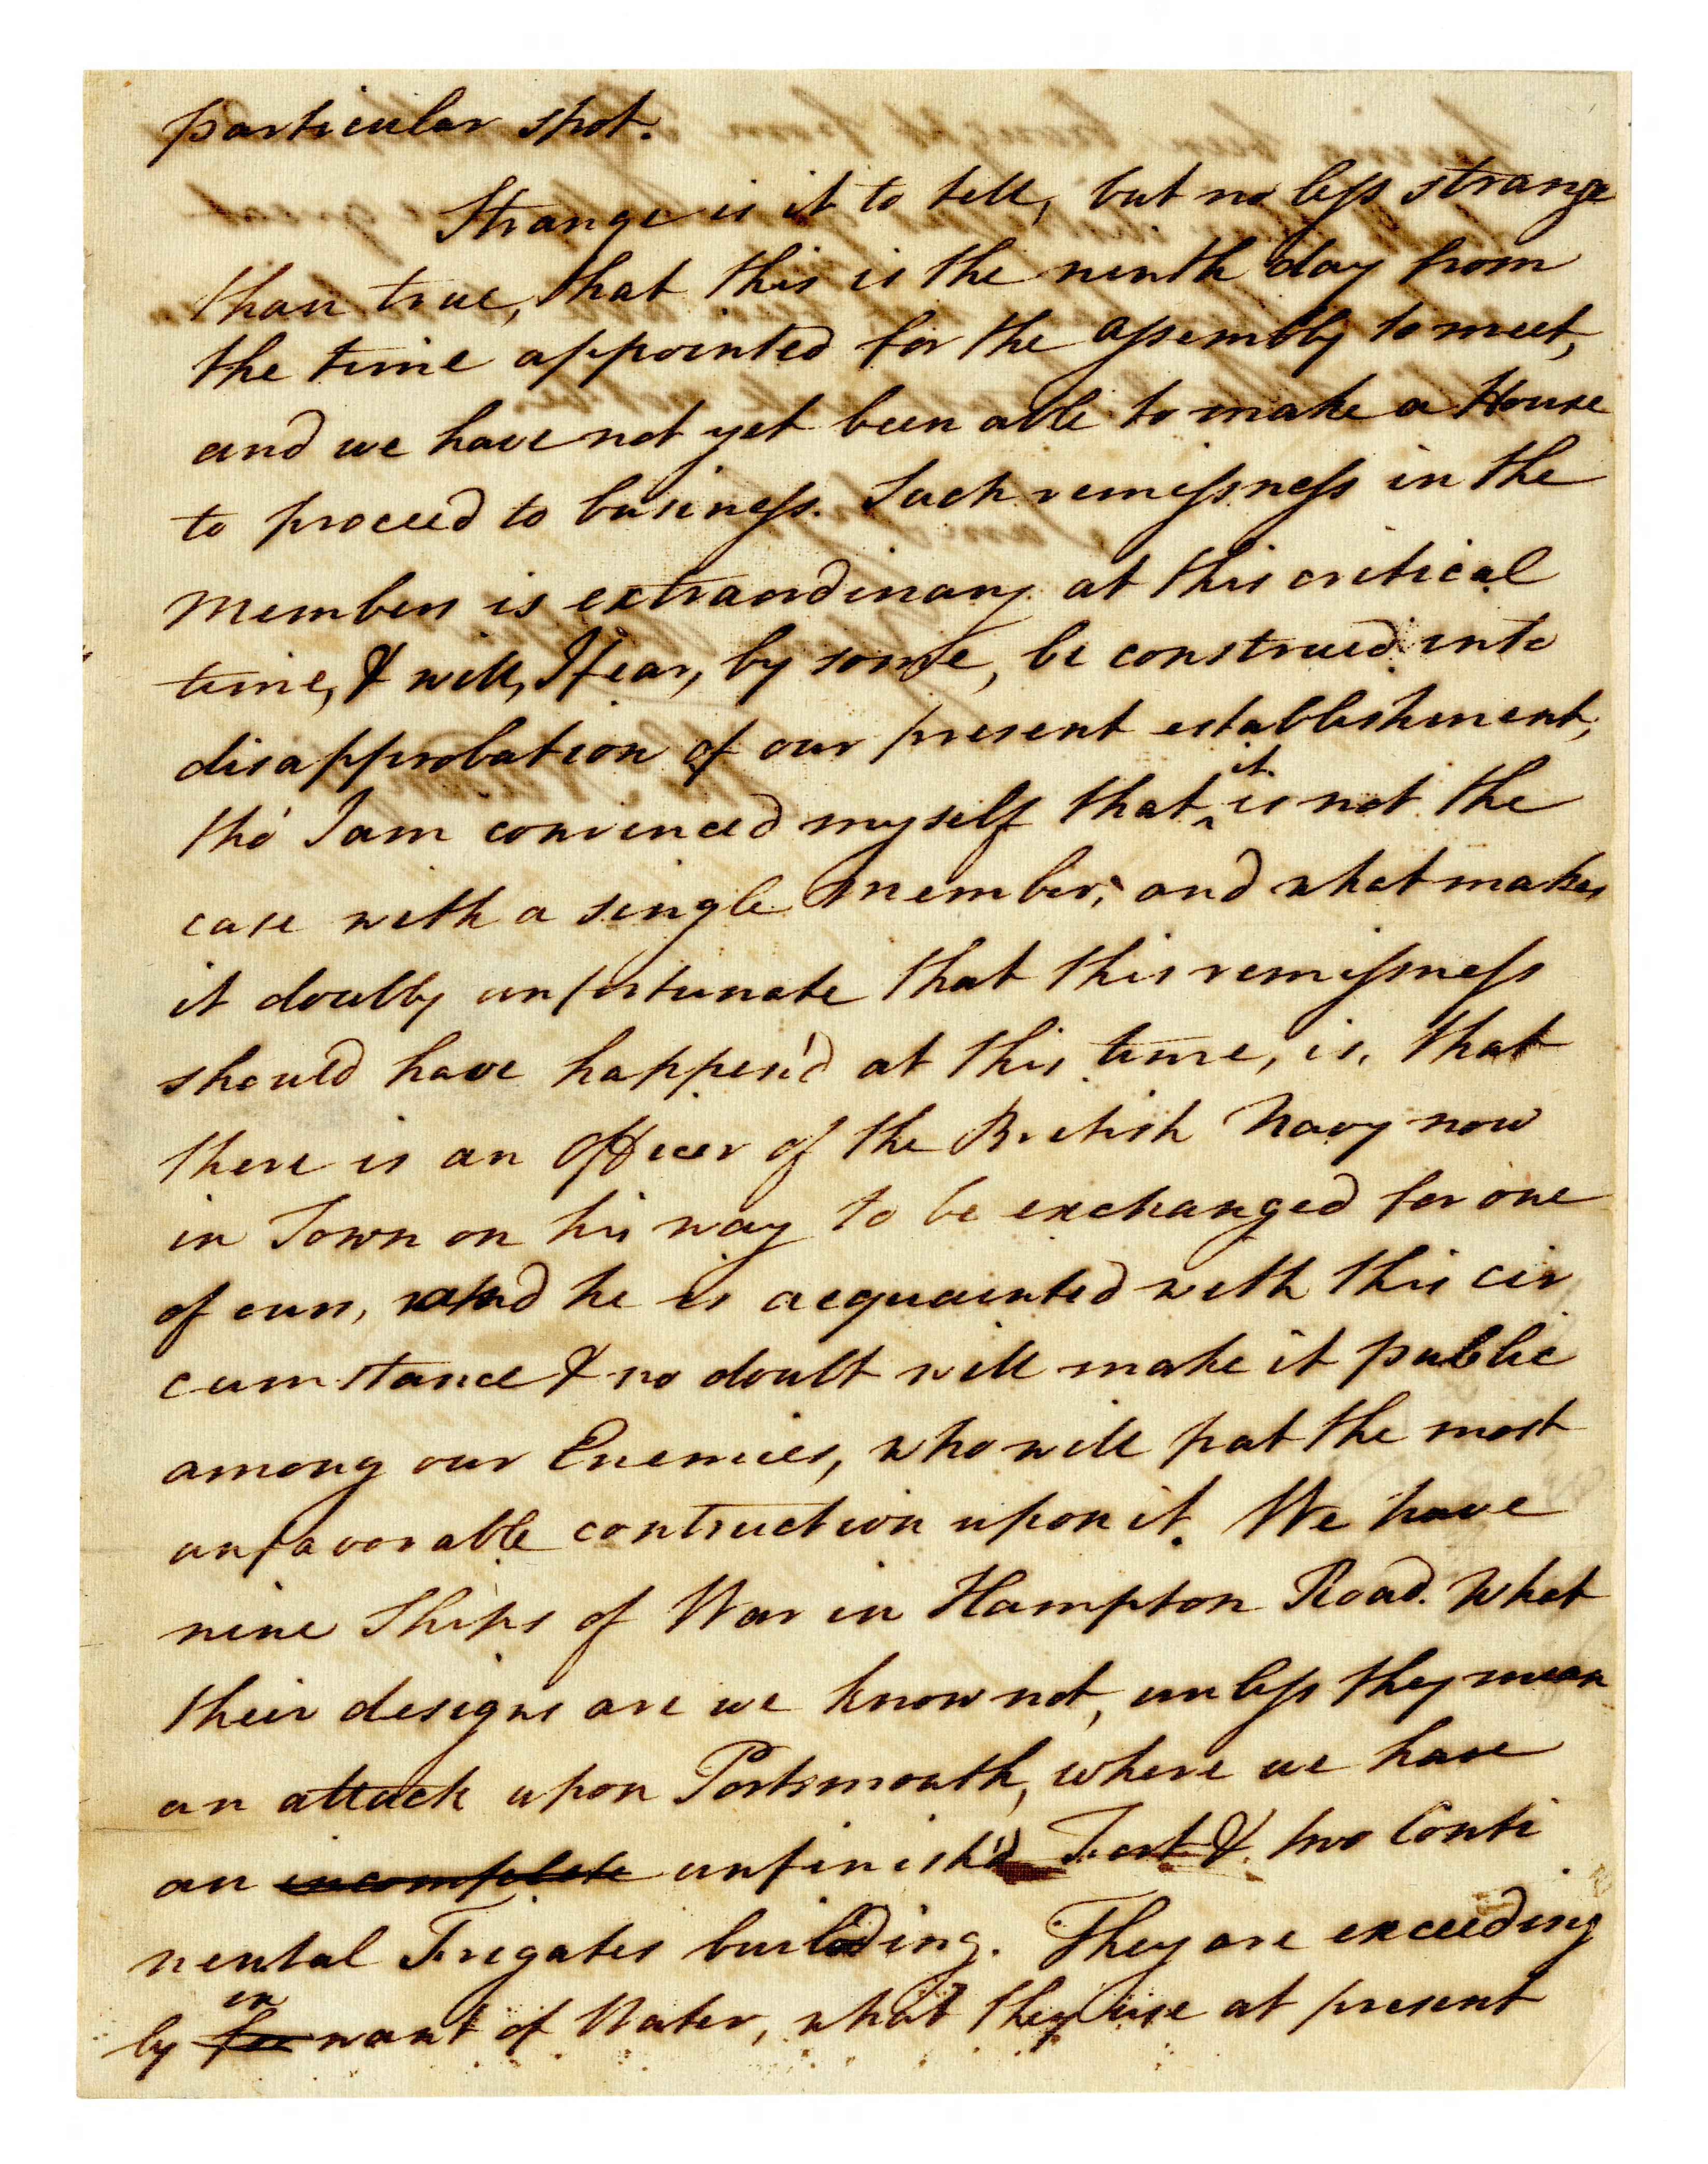particular spot.
Strange is it to tell, but no less strange
than true, that this is the ninth day from
the time appointed for the assembly to meet,
and we have not yet been able to make a House
to proceed to business. Such remissness in the
members is extraordinary at this critical
time, & will, I fear, by some, be construed into
disapprobation of our present establishment;
it
tho' I am convinced myself that ^ is not the
case with a single member; and what makes
it doubly unfortunate that this remissness
should have happen'd at this time, is, that
there is an Officer of the British Navy now
in Town on his way to be exchanged for one
of ours, and he is acquainted with this cir
cumstance & no doubt will make it public
among our Enemies, who will put the most
unfavorable contruction upon it. We have
nine Ships of War in Hampton Road. What
their designs are we know now, unless they mean
an attack upon Portsmouth, where we have
an [incomplete] unfinish'd Fort & two Conti
nental Frigates building. They are exceeding
in
ly [for] want of Water, what they use at present